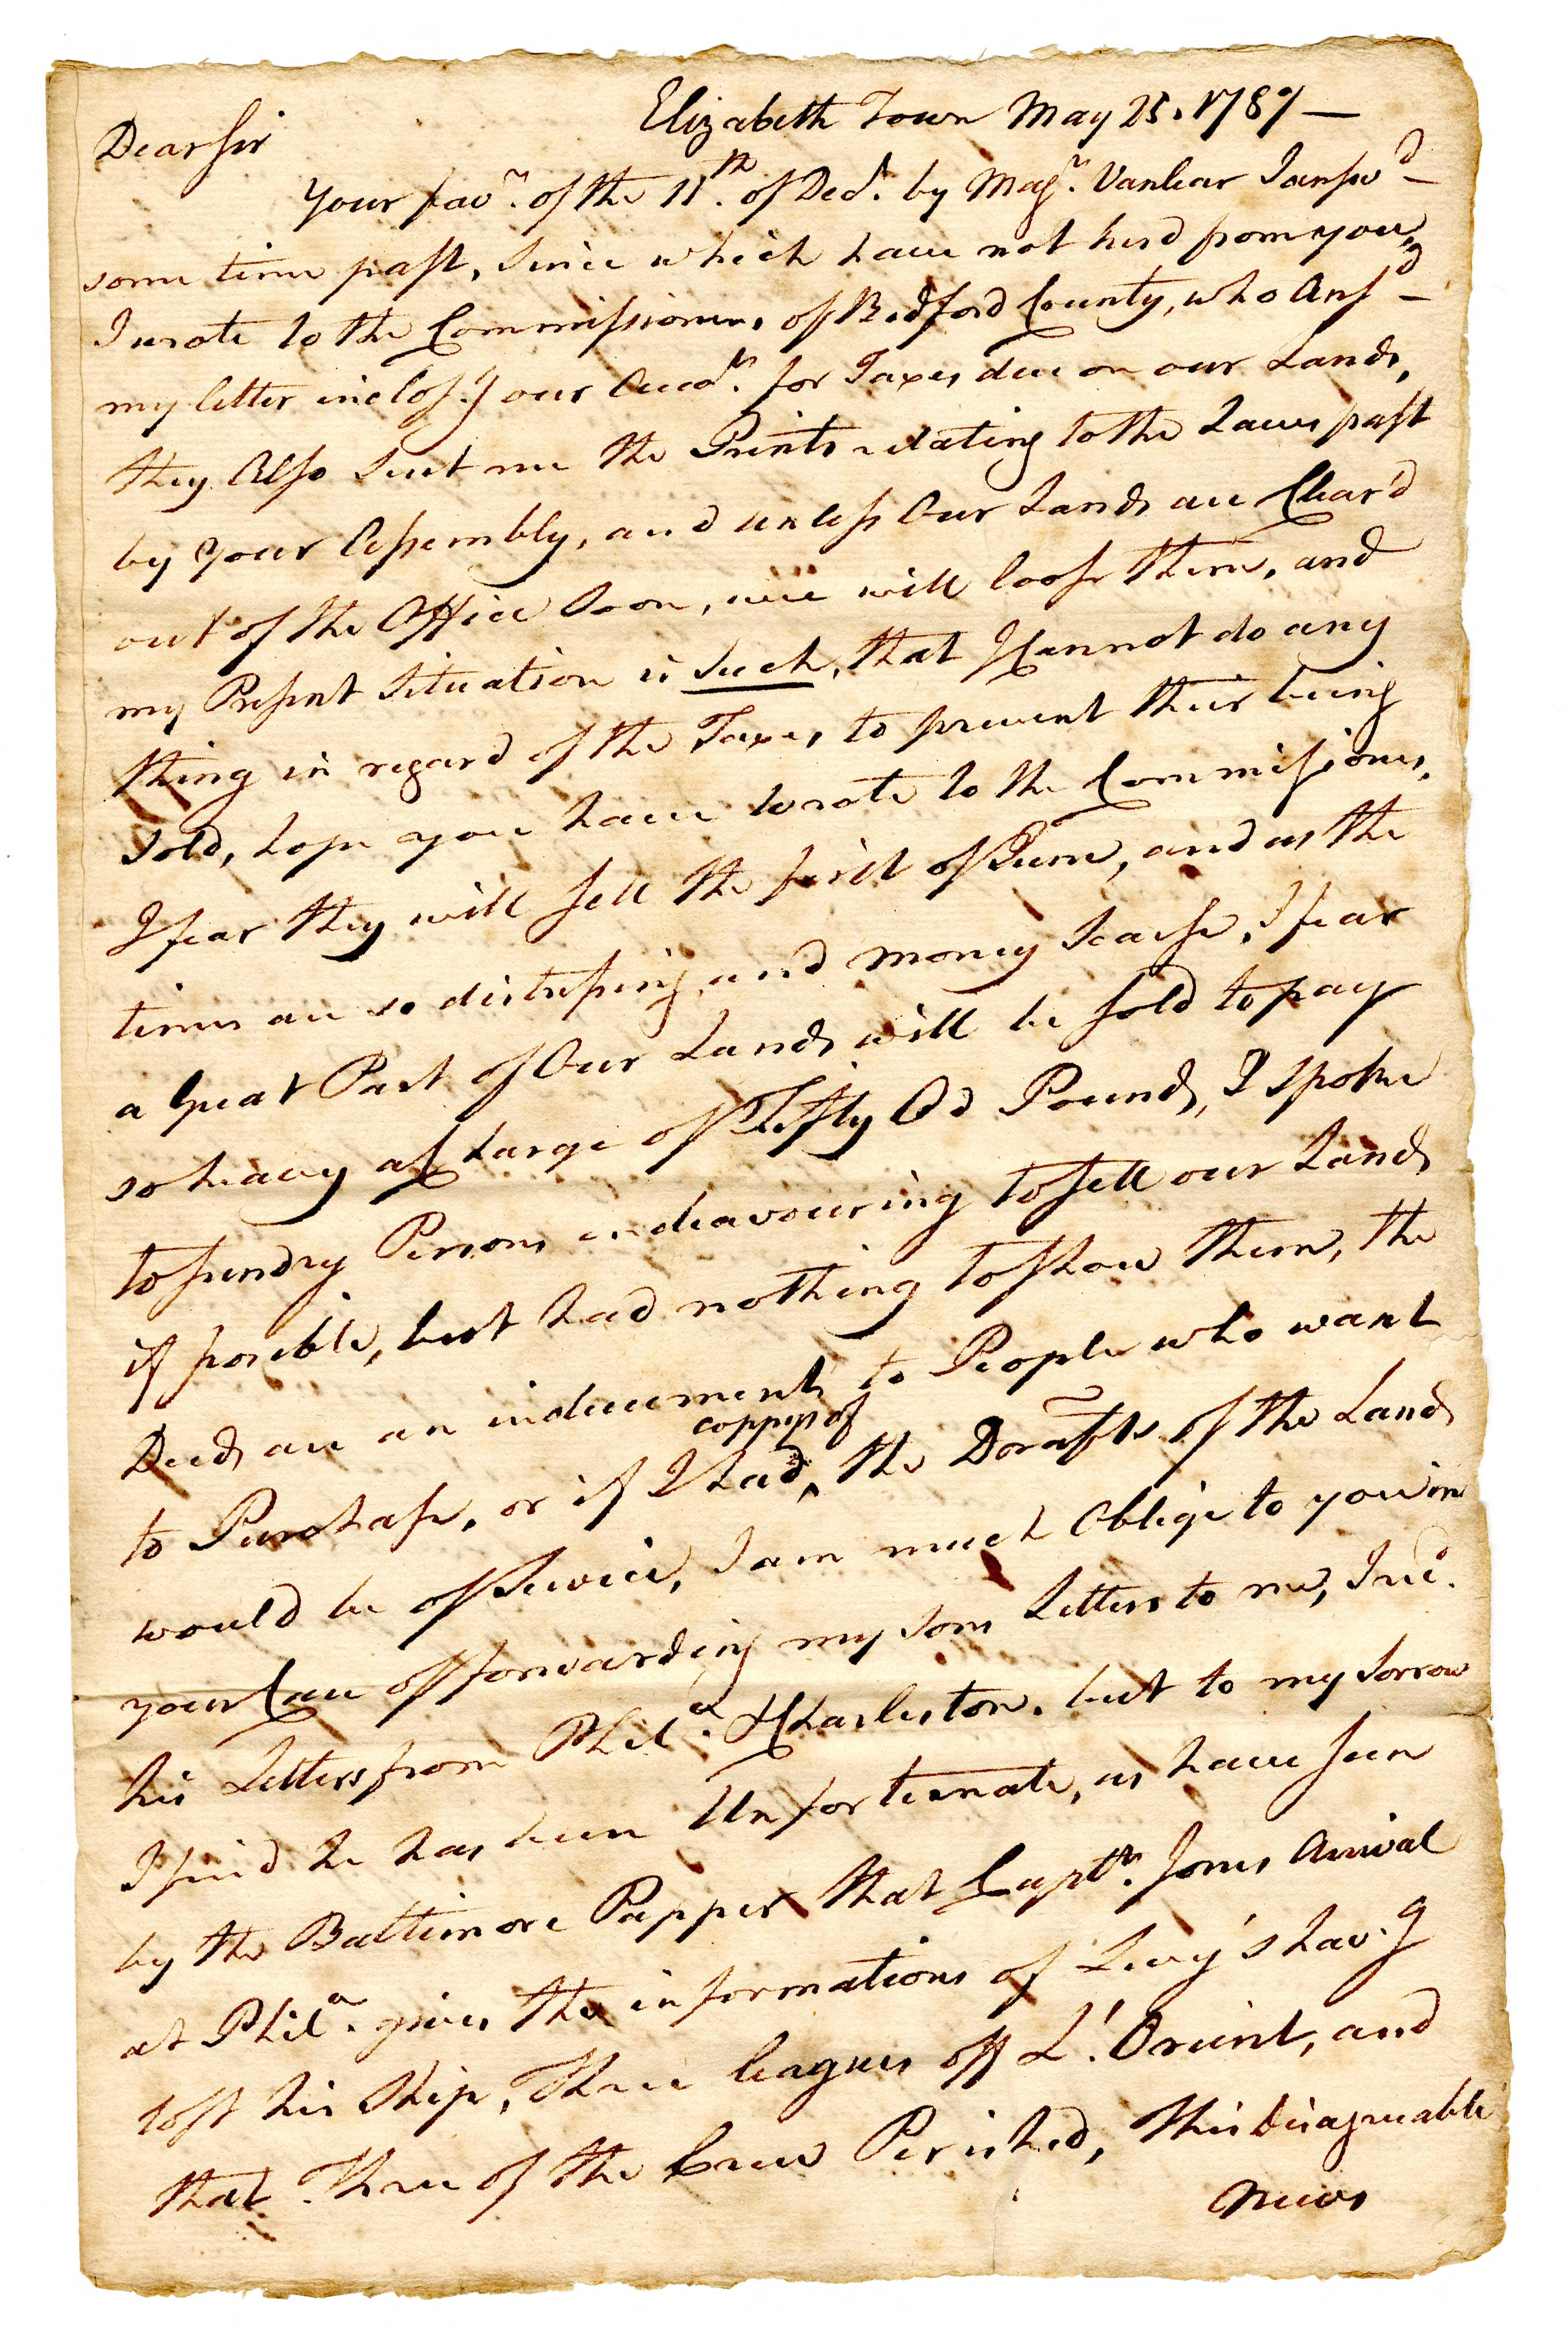Elizabeth Town May 25. 1787.-
Dear sir
Your fav^r. of the 11^th. of Dec^r. by Maj^r. Vanlear I answ^d-
some time past, Since which have not herd from you,
I wrote to the Commissioners of Bedford County, who ans^d
my letter inclos^g our acco^ts. for taxes due on our Lands,
they Also Sent me the Prints relating to the Laws past
by your assembly, and unless Our Iands are Clear'd
out of the Office Soon, we will loose them, and
my Present Situatson is such, that I cannot do any
thing in regard of the Taxes to prevent their being
sold, hope you have wrote to the Commissions
I fear they will sell the first of June, and as the
times are so distressing and money Scarce, I fear
a Great Part of Our Lands will be sold to pay
so heavy a Charge of fifty Od Pounds, I spoke
to sundry Persons endeavouring to sell our Lands
if possible, but had nothing to show them, the
Deeds are an indicement to People who want
coppys of
to Purchase, or if I had ^ the Drafts of the Lands
would be of service, I am much Oblige to you in
your Care of forwarding my sons Letters to me, I rec^d
his Letters from Phil^a. & Charleston but to my Sorrow
I find he has been Unfortunate, us have seen
by the Baltimore Papper that Capt^n. Jones Arrival
at Phil^a. gives the informations of Lucy's hav^g.
lost his Ship, Three leagues off L.'Orient, and
that Three of the Crew Perished, This Disagreable
news